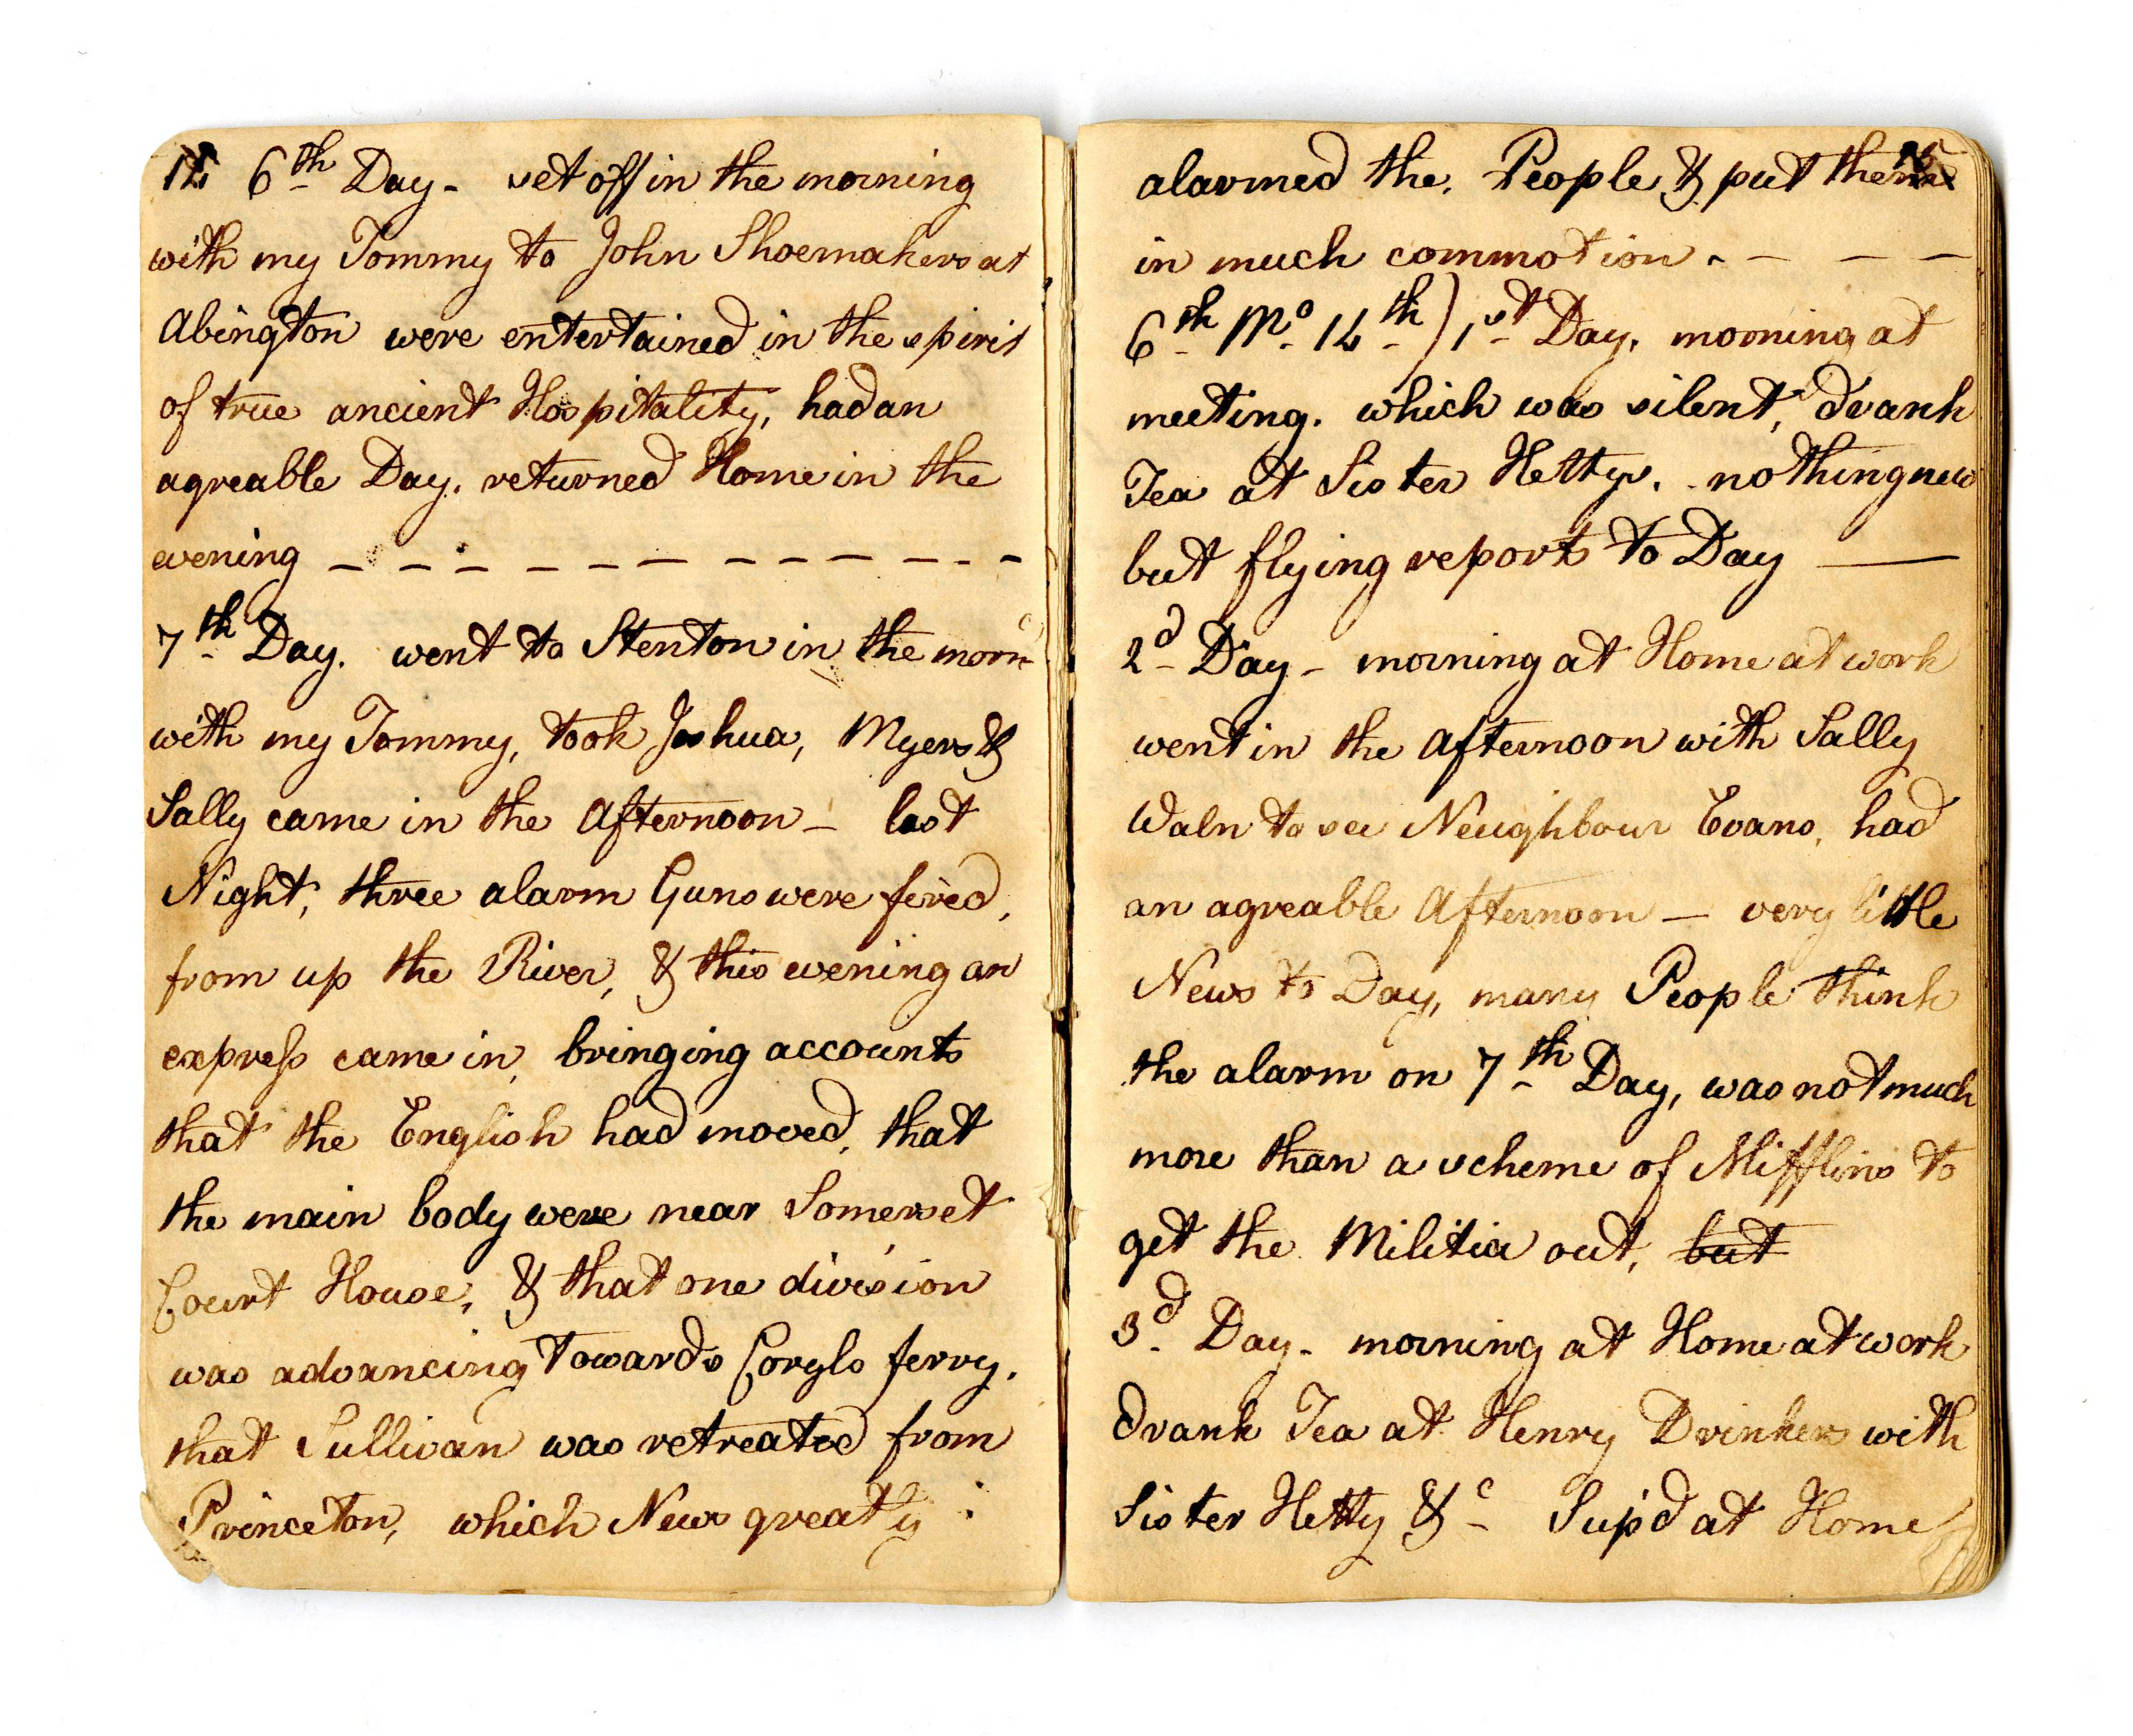6^th Day- set off in the morning
with my Tommy to John Shoemakers at
Abington were entertained in the spirit
of true ancient Hospitality, had an
agreable Day. returned Home in the
evening-
7^th Day. went to Stenton in the morn
with my Tommy, took Joshua, Myers &
Sally came in the Afternoon- last
Night, three alarm Guns were fired,
form up the River, & this evening an
express came in, bringing accounts
that the English had moved, that
the main body were near Somerset
Court House, & that one division
was advancing towards Coryls ferry.
that Sullivan was retreated from
Princeton, which News greatly
alarmed the, People & put them
in much commotion.---
6^th M^o 14^th ) 1^st Day. morning at
meeting. which was silent, drank
Tea at Sister Hettys. nothing new
but flying reports to Day-
2^d Day - morning at Home at work
went in the Afternoon with Sally
Waln to see Neighbour Evans, had
an agreable Afternoon- very little
New to Day, many People think
the alarm on 7^th Day, was not much
more than a scheme of Mifflins ton
get the Militia out, [but]
3^d. Day. morning at Home at work
drank Tea at Henry Drinkers with
Sister Hetty &^c. Sup'd at Home